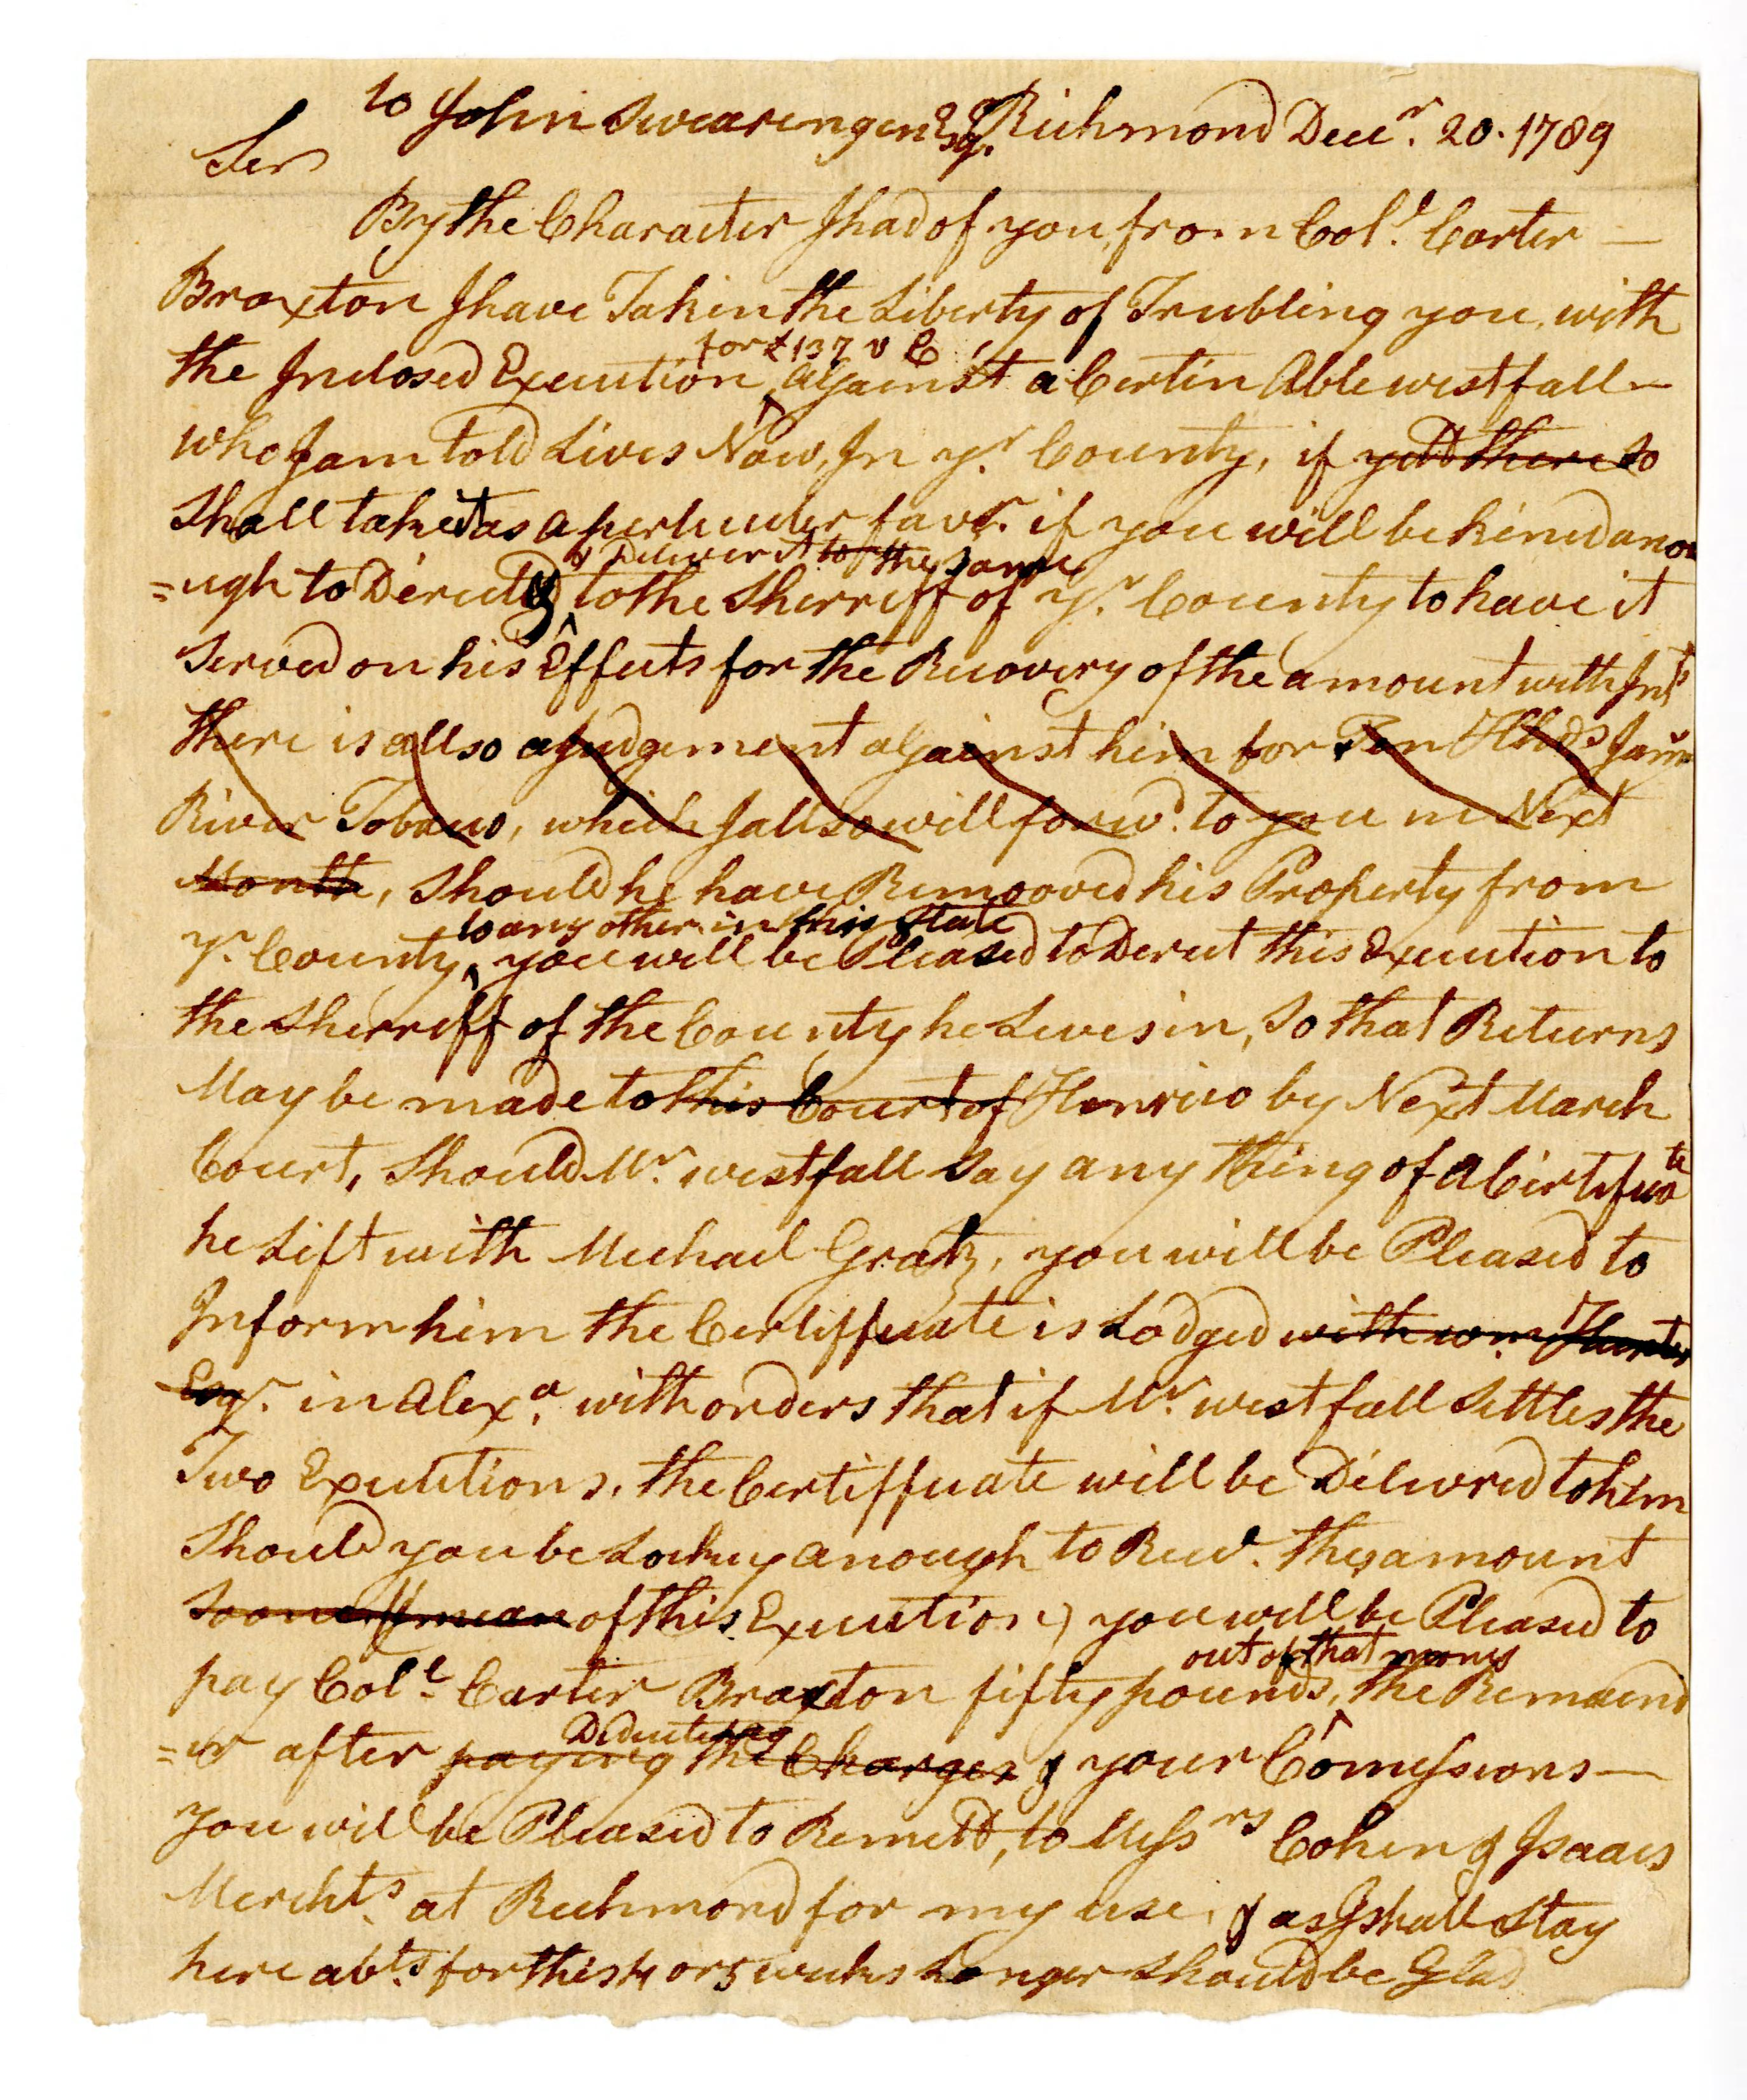to John Seveargen Esqr Richmond Dece^r. 20th 1789
Ser
By the Character I had of you from Col^o. Carter-
Braxton I have Taken the Liberty of troubling you with
for £13706
the Inclosed Execution ^ against a Certin Able Westfall
who I am told Lives Now. In y^r. County, if [sold there to]
Shall take as a particular, fav^r if you will be kind ano-
-ugh to direct[__] ^ to the Sherriff of y^e. County to have it
& Deliver it to the same
Served on his Effects for the Recovery of the amount with inc^d
There is also a judgement against him for Ton Hhds Jam^s
River Tobacmco, which I allso will forw^d. to you in next
[Month], should he have Remooved his Property from
y^r County, you well be pleased to Derect this Execution to
to any other in this state
the sherriff of the County he Lives in, so that Returns,
May be made to [this Court of] Henries by Next March
Court, should M^r. Westfall say any thing of a cirtefica^te
he Left with Michael Gratz, you will be Pleased to
Inform him the Certificate is Lodged [with] [_________]
[Esq^r.] in Alex^a With orders that if M^r. Westfull settles the
Two Executions, the Certifficate will be Delivered to him
should you be Lockey enough to Rece^e. the amount
[____________] of this Execution, you will be pleased to
pay Col^o. Carter Braxton fifty pounds, ^ the remaind
out of that money
-er after [paying the charges] & your Commissions-
Deducting
you will be Pleased to Remitt to Mess^rs. Cohing Isaacs
Merch^ts. at Richmond for my care if as I shall stay
here ab^ts. for this for 5 weeks longer should be glad